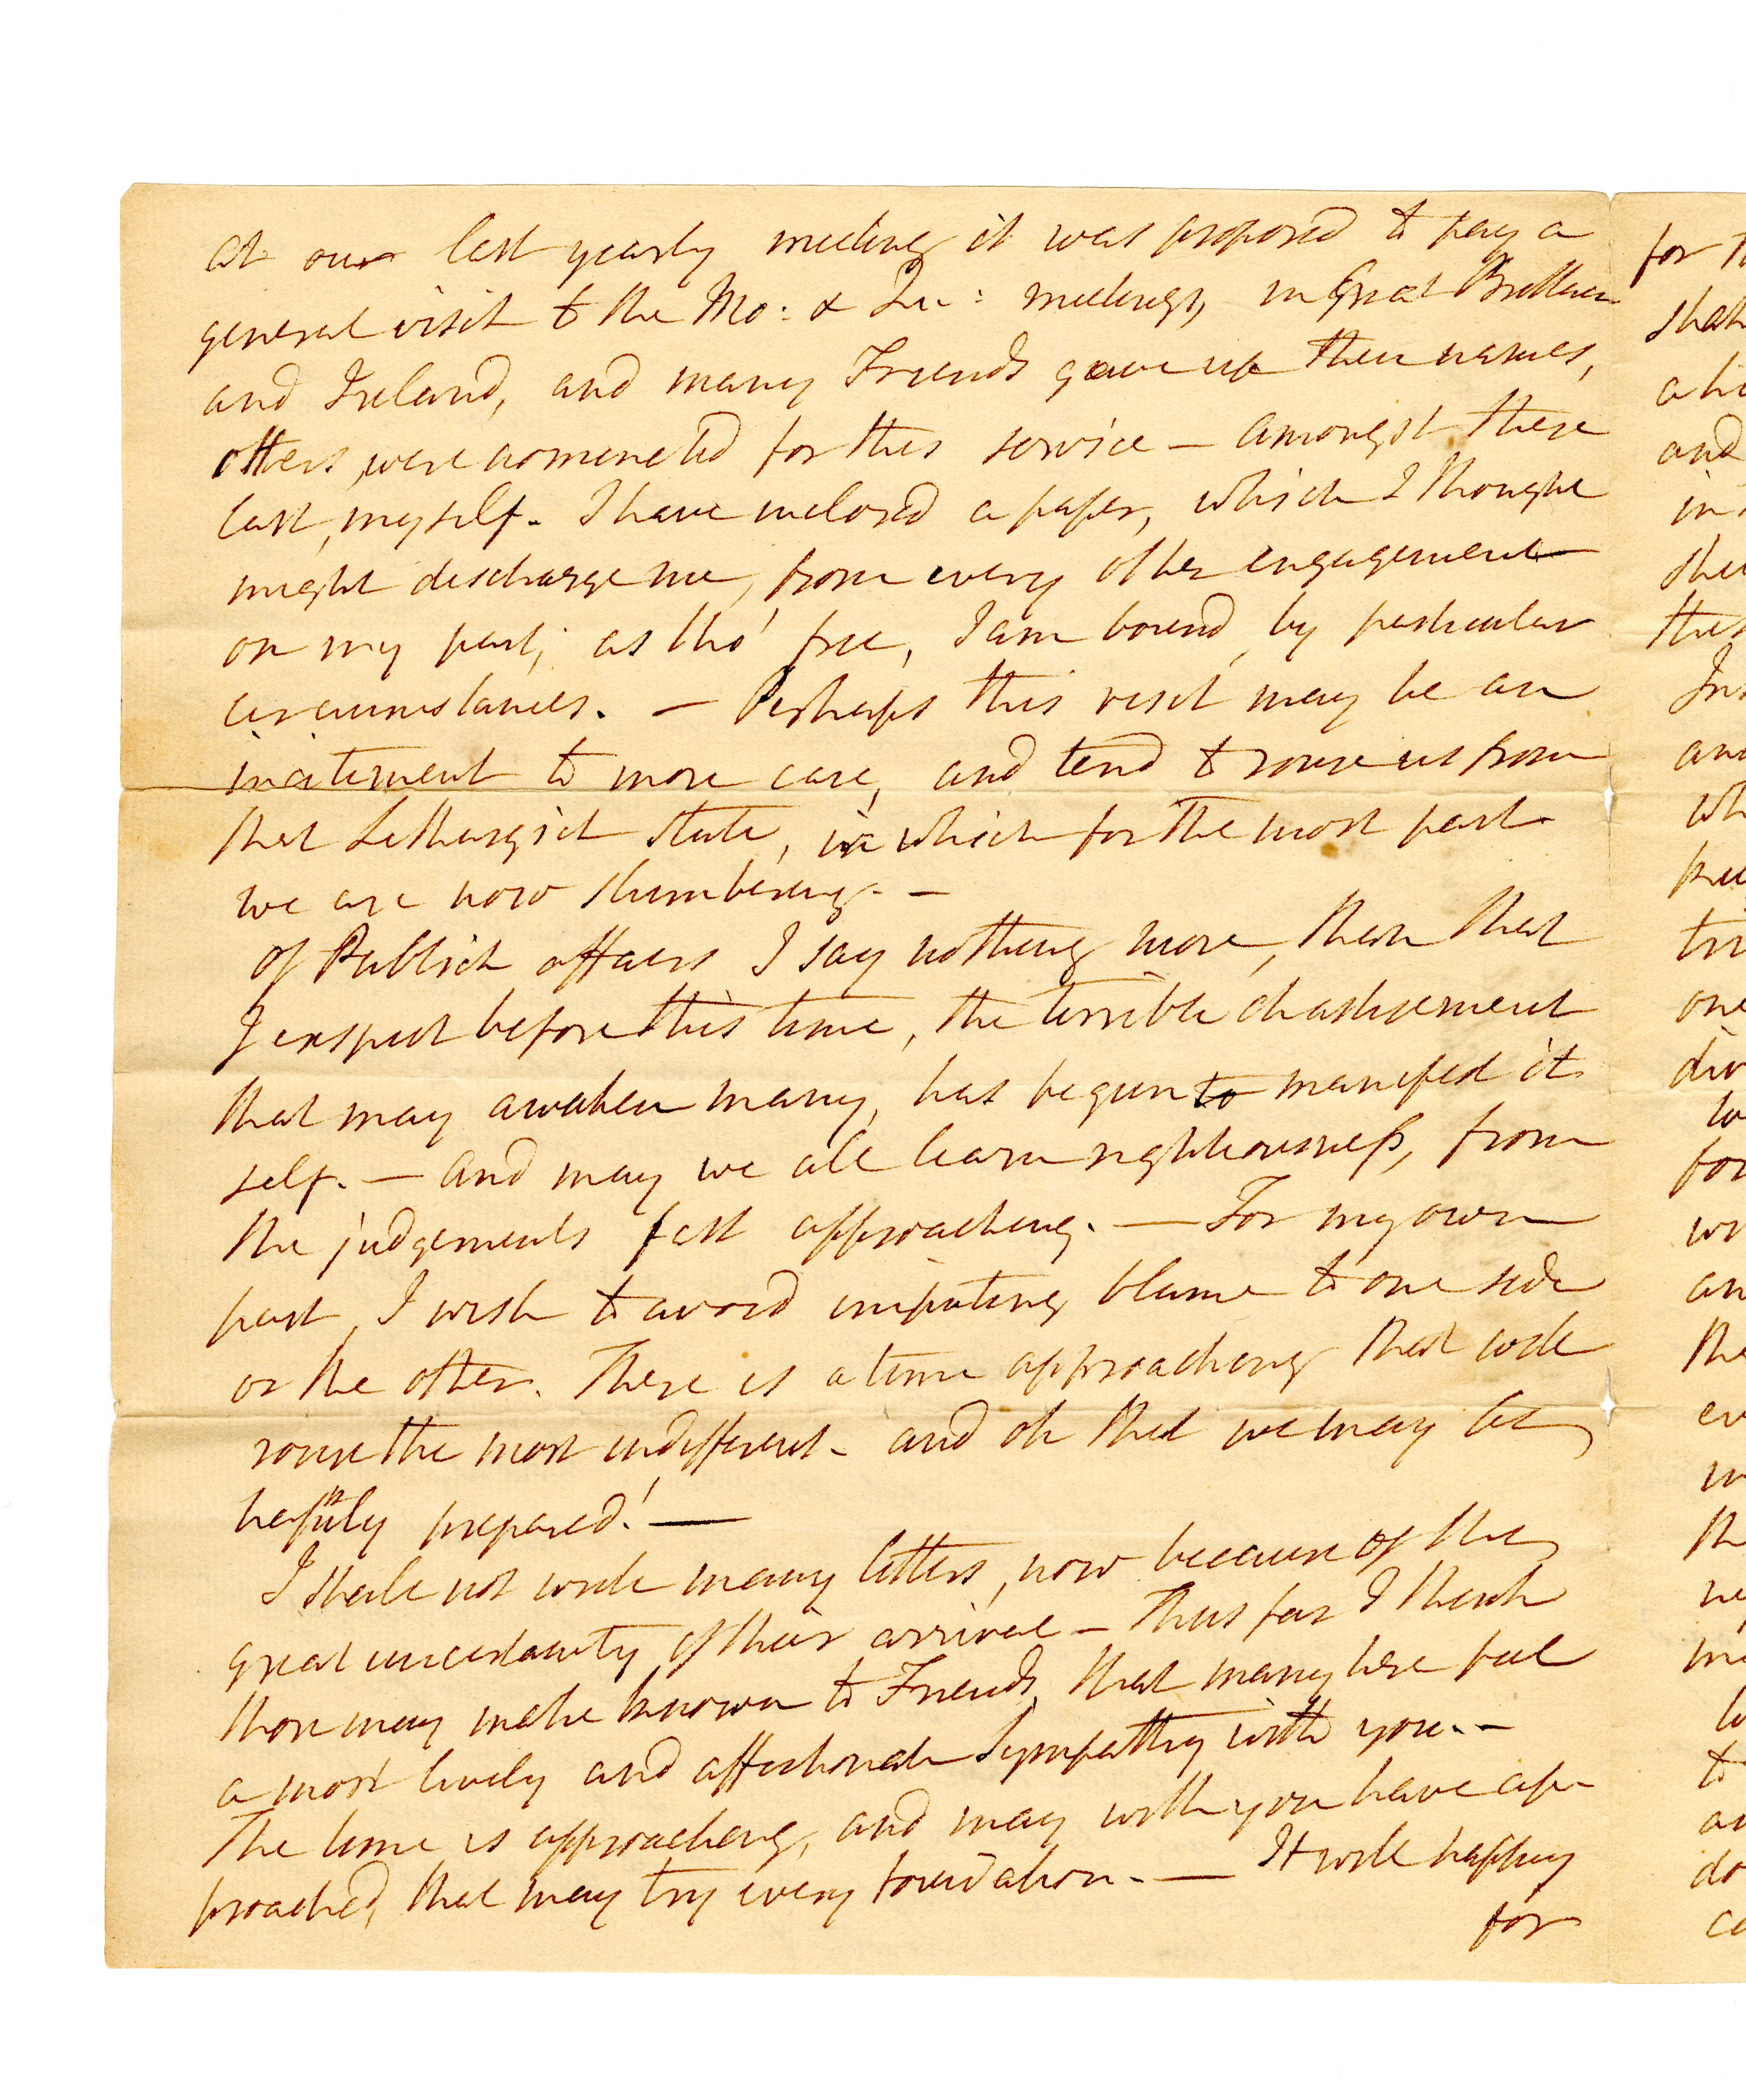At our last yearly meeting it was proposed to pay a
general visit to the Mo: & Qu: meetings, in Great Britain
and Ireland, and many Friends gave us their names,
others were nominated for this service- Amongst these
last, myself. I have inclosed a paper, which I thought
might discharge me from every other engagement
on my part; as tho' fre, I am bound by particular
circumstances.- Perhaps this visit may be an
incitement to more care, and tend to move us from
that Lethargick state, in which for the most part
we are now slumbering.-
of Publick affairs I say nothing more, than that
I expect before this time, the terrible chastisement
that may awaken many, has begun to manifest it
self.- And may we all learn righteousness, from
the judgements fast approaching.- For my own
part, I wish to avoid imputing blame to one side
or the other. There is a time approaching that will
rouse the most indifferent. and oh that we may be
hap^pily prepared.-
I shall not write many letters, now because of the
great uncertainty of their arrival.- Thus far I think
thou may make known to Friends that many here feel
a most lively and affectionate Sympathy with you.-
The time is approaching, and may with you have ap-
proached, that may try every foundation.- It will happen
for